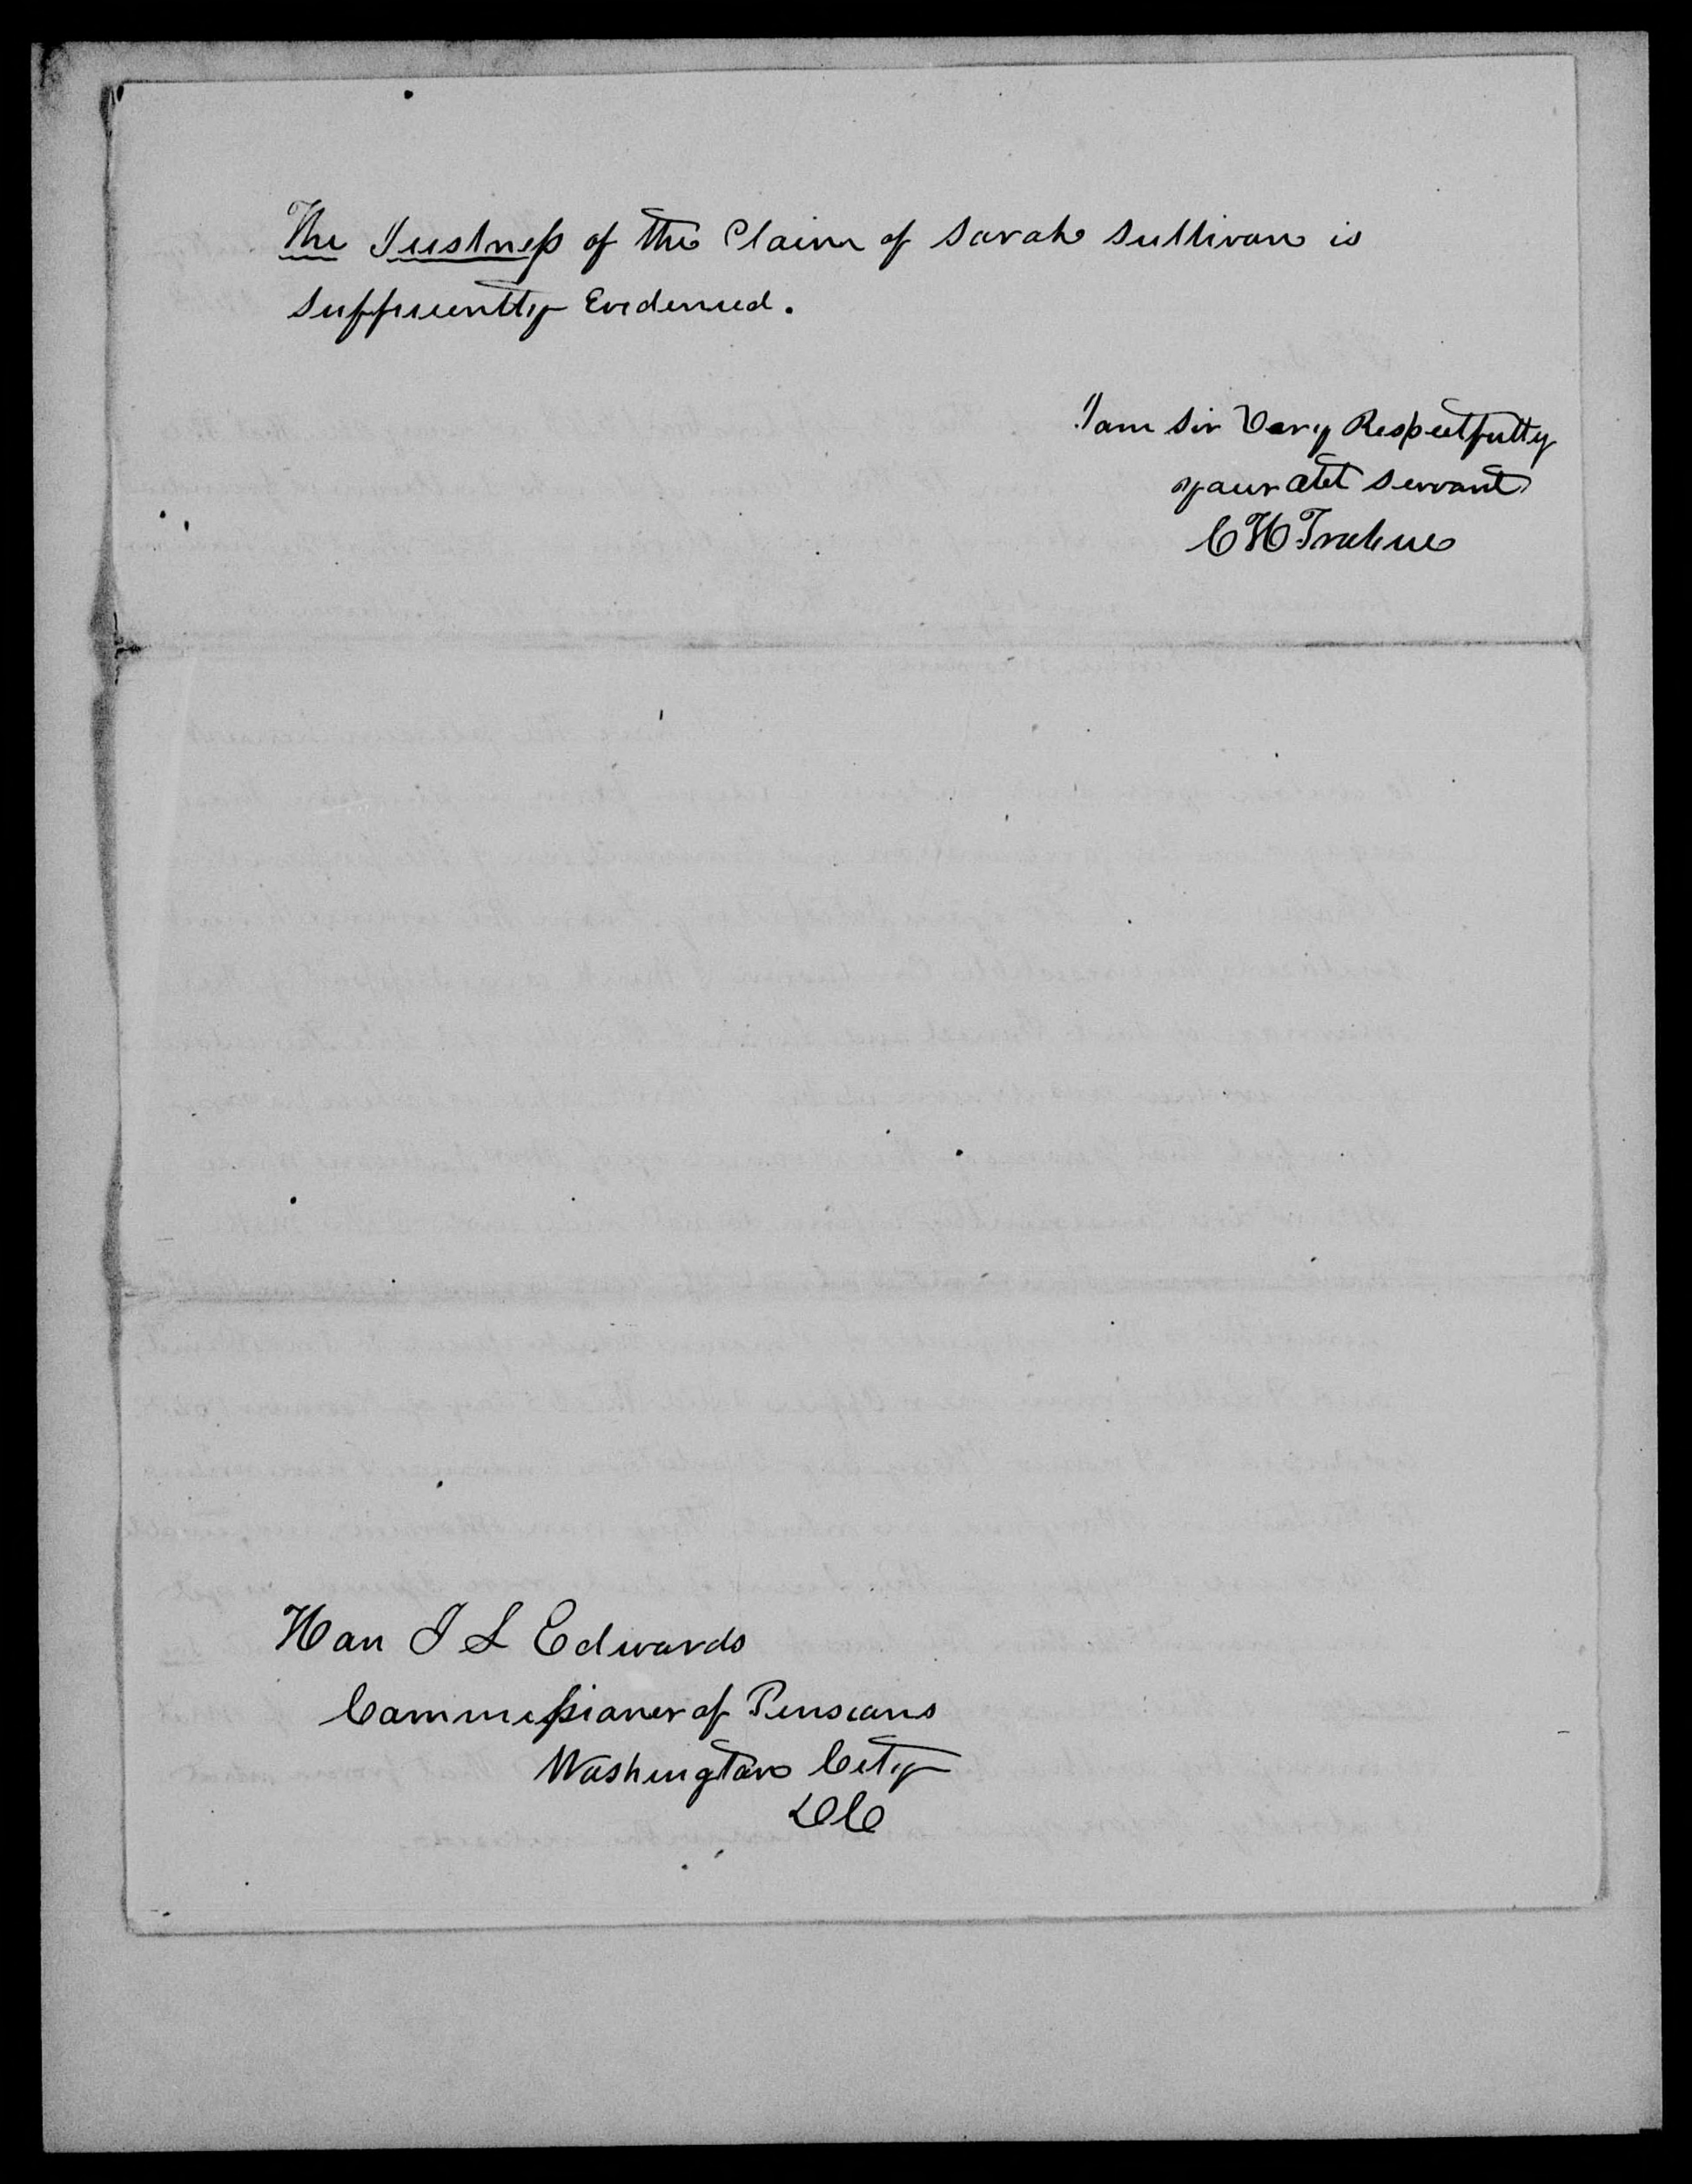The Justness of the Claim of Sarah Sullivan is Sufficiently Evidenced.
I am Sir Very Respectfully
your obet servant
[signed] C H Trabue

Hon J S Edwards
Commissioner of Pensions
Washington City
DC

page: 61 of 78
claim: widow's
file: W. 25,169, for Daniel Sullivan, Maryland